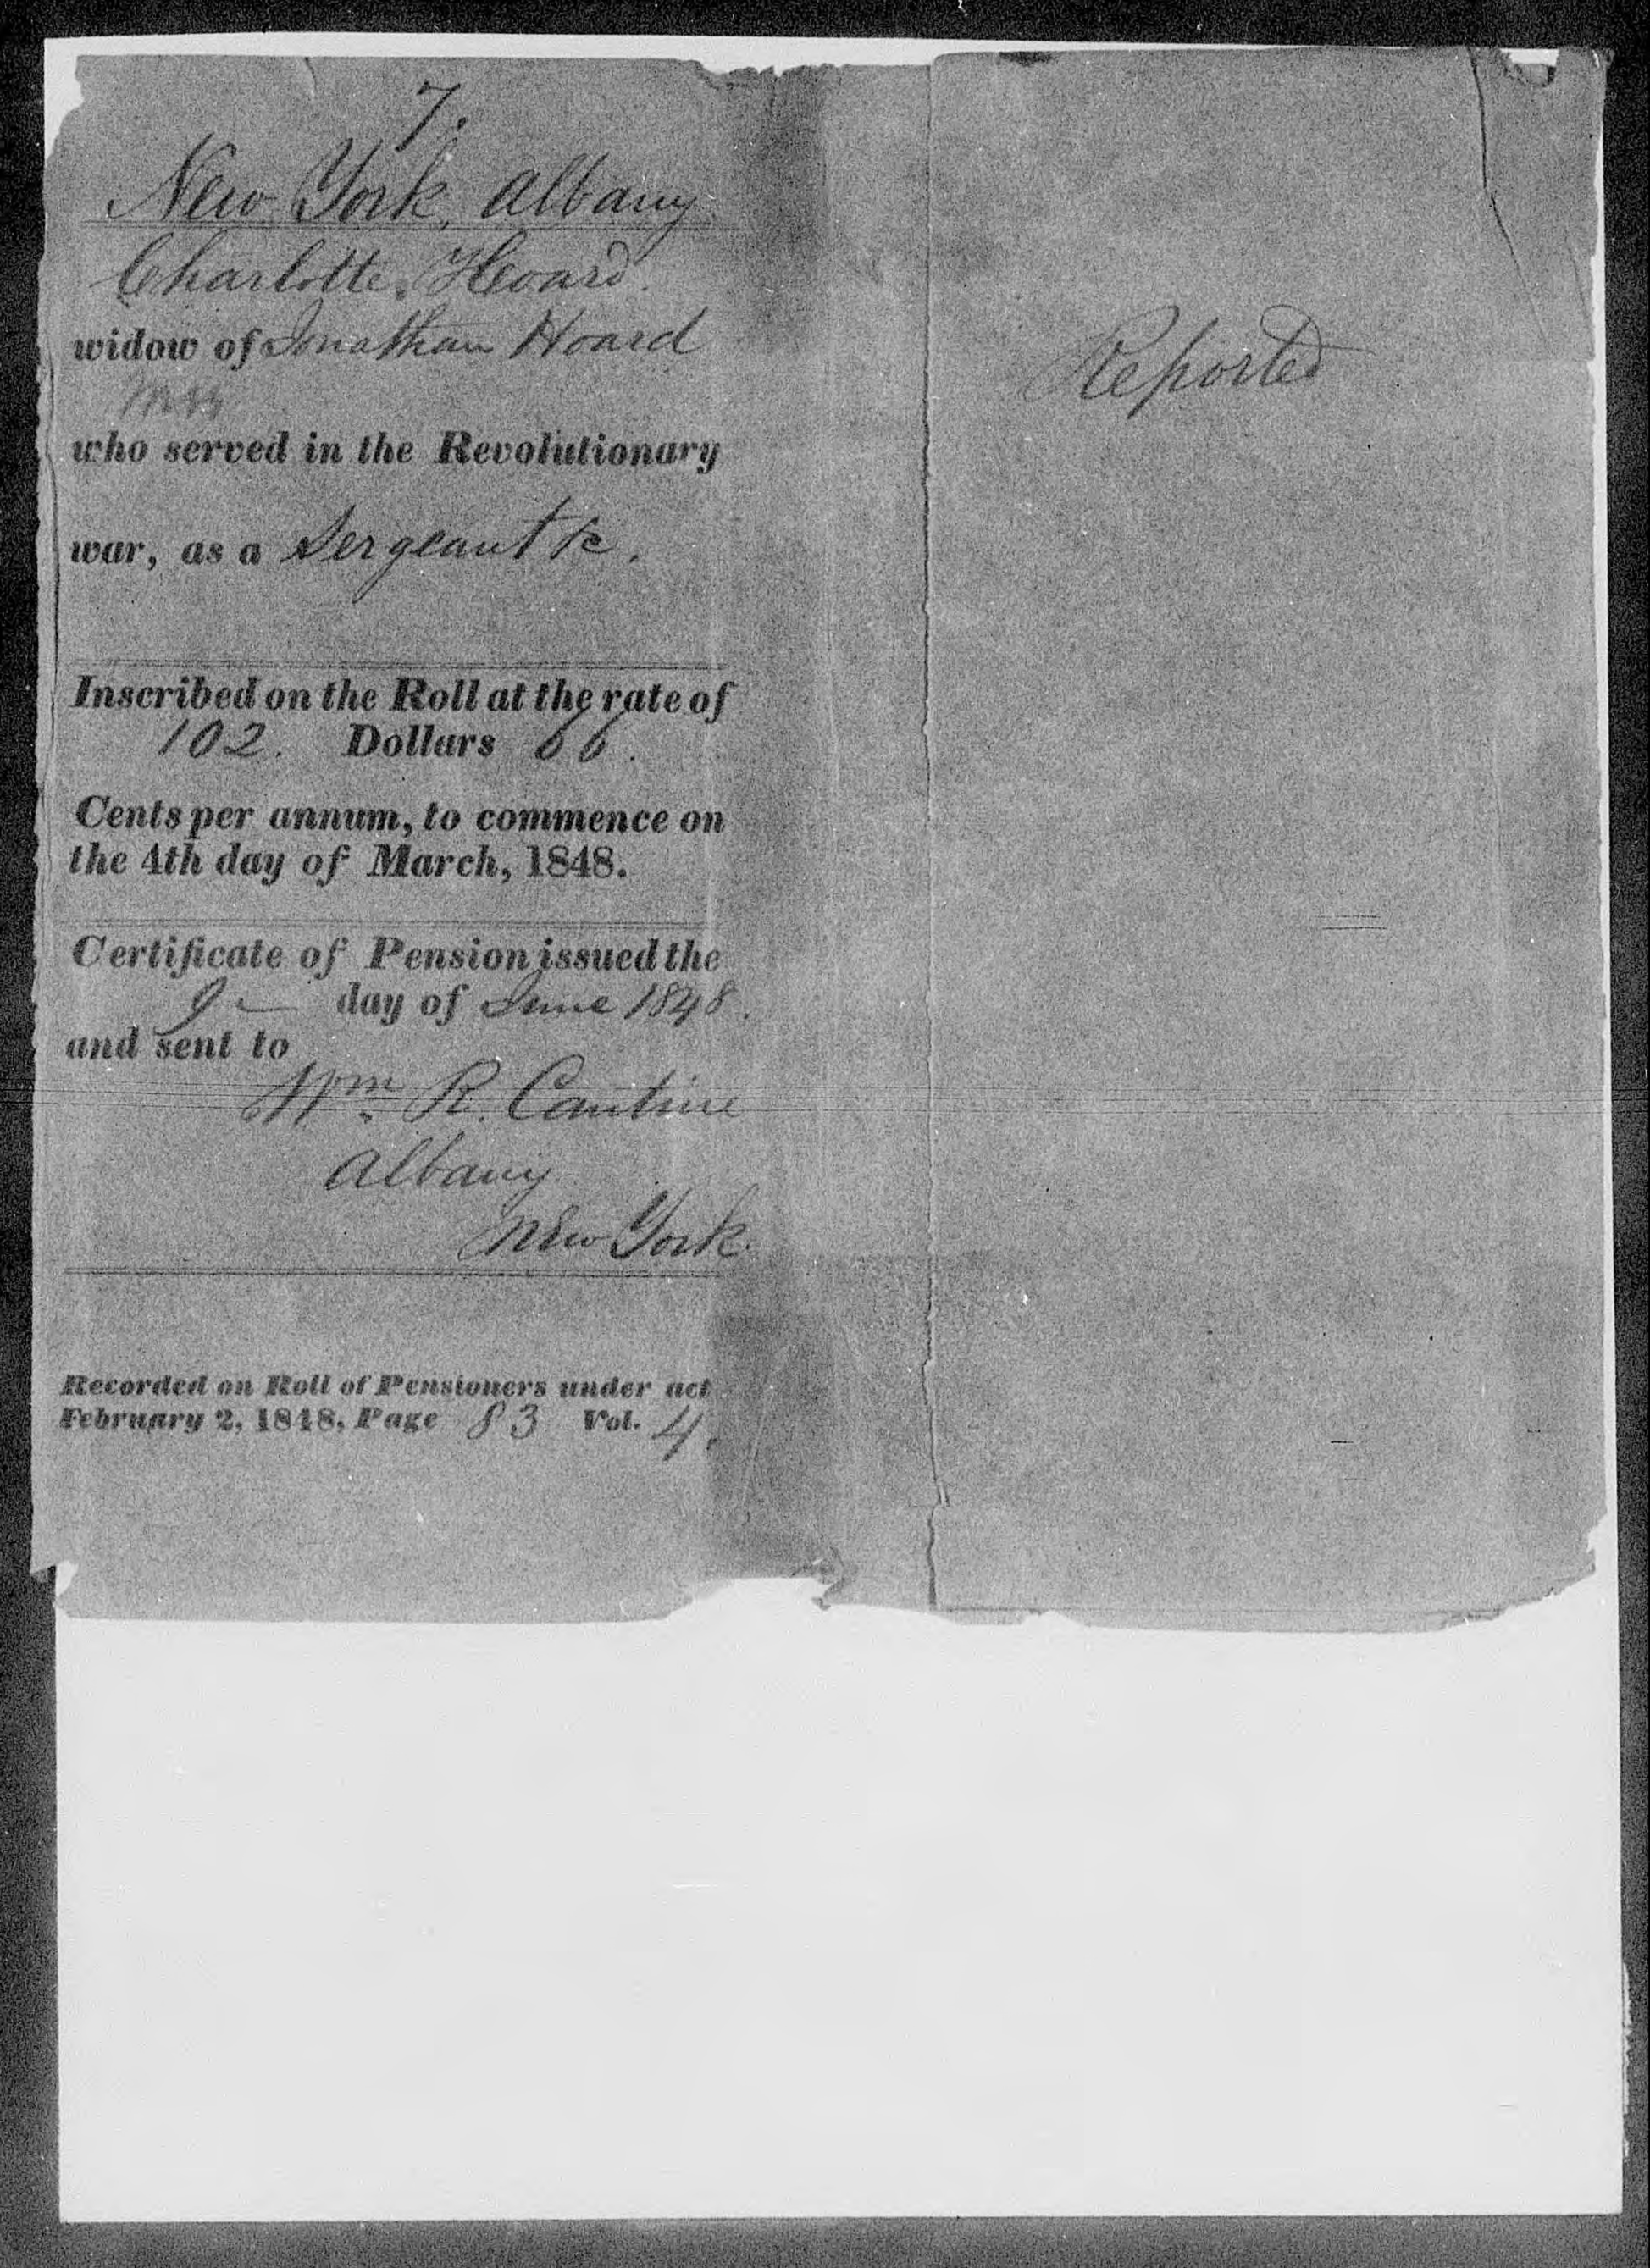7. 
New York, Albany
Charlotte Hoard
widow of Jonathan Hoard
who served in the Revolutionary war as a:
Sergeant
Inscribed on the Roll at the rate of 102 dollars 66 cents per annum, to commence o the 4th day of March, 1848.
Certificate of pension issued on the 9 day of March, 1848. and sent to Mrs. R Camtine, Albany New York
Recorded on Roll of Pensioners under act 
February 2, 1848 page 83 Vol.4
Reported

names: Jonathan Hoard, Charlotte Hoard, Wm R Cantine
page: 2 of 52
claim: widow's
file: W 19755, Jonathan Hoard, Mass.